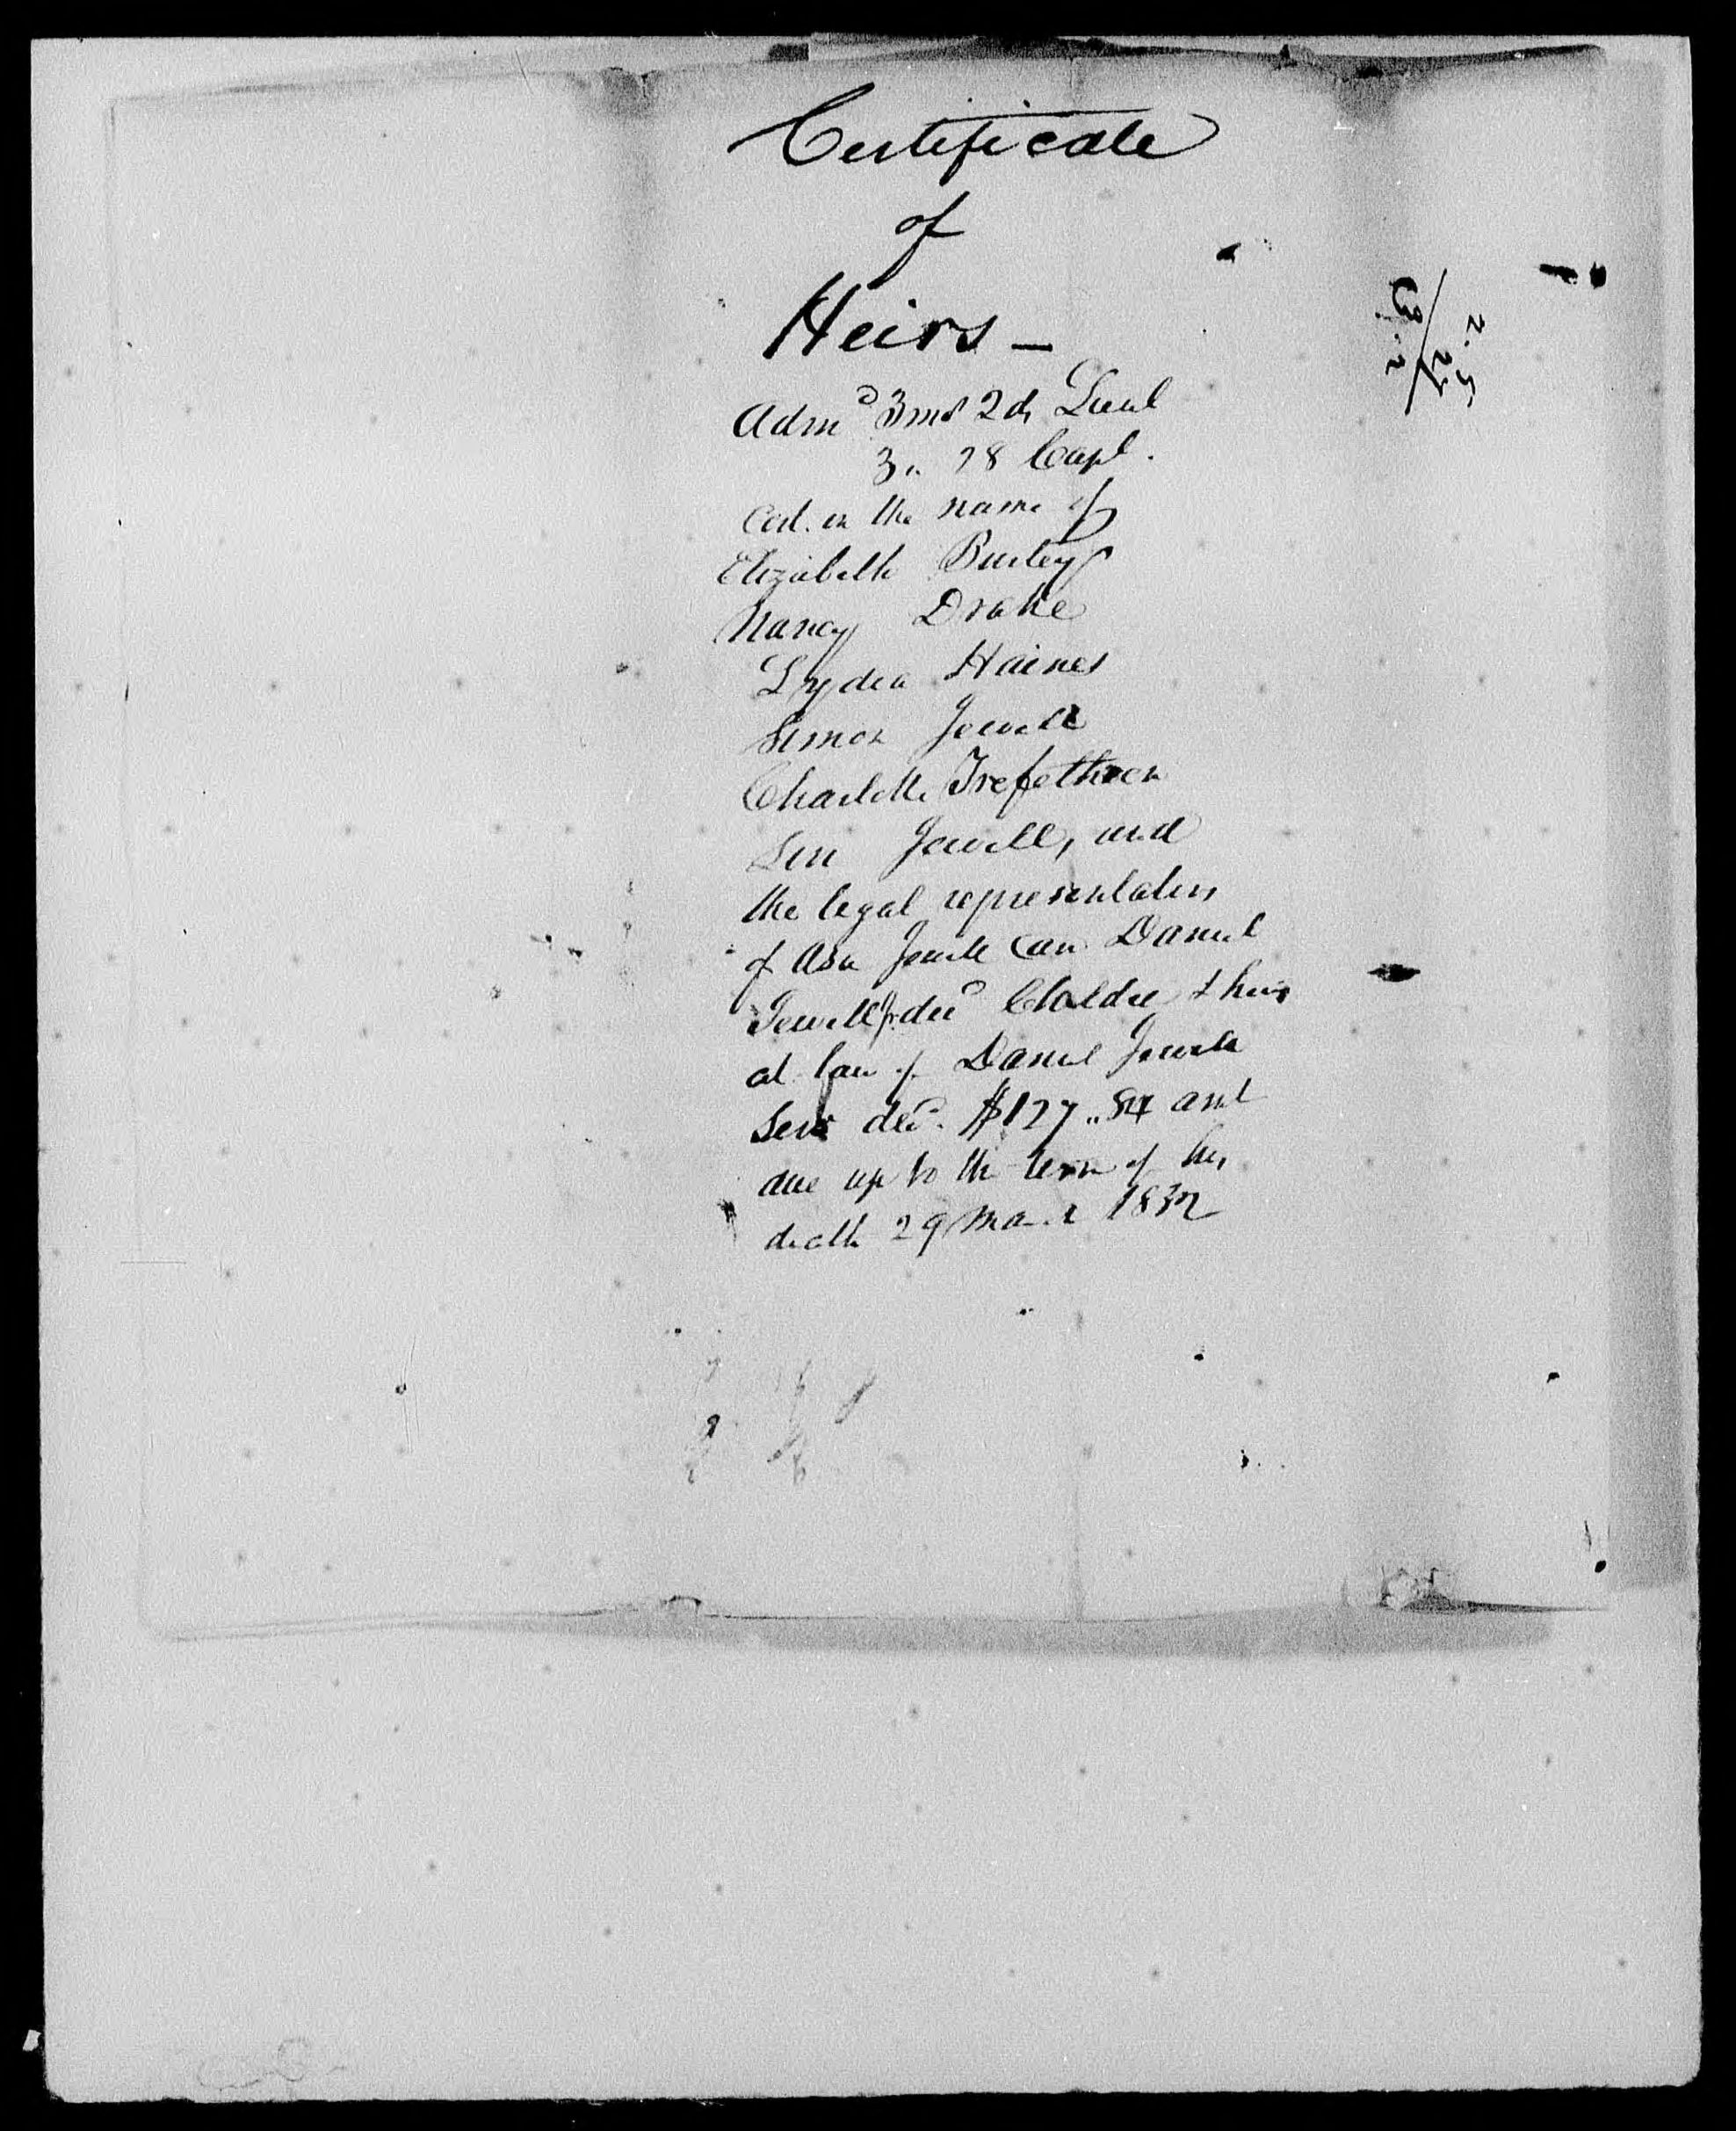Certificate of Heirs- Admd [ADMITTED] 3 mos 2d, Lieut [LIEUTENANT] 3 [MOS] 28 [DAYS] Capt.
Cert. [CERTIFICATE] in the name of
Elizabeth Burley
Nancy Drake
Lydia Haines
Simeon Jewell
Charlette Trefethren
Asa Jewell, and the legal representative
of Asa Jewell and Daniel Jewell decd [DECEASED]
Children & heirs at law of Daniel Jewell
[illegible] decd. [DECEASED] $127..84 and due up to the time of his death 29 May 1832
,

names: Elizabeth Burley; Lydia Haines; Charlotte Trefethren; Nancy Drake; Daniel Jewell; Asa Jewell; Levi Jewell; Simon Jewell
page: 8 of 35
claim: survivor's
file: S. 10912, for Daniel Jewell, New Hampshire